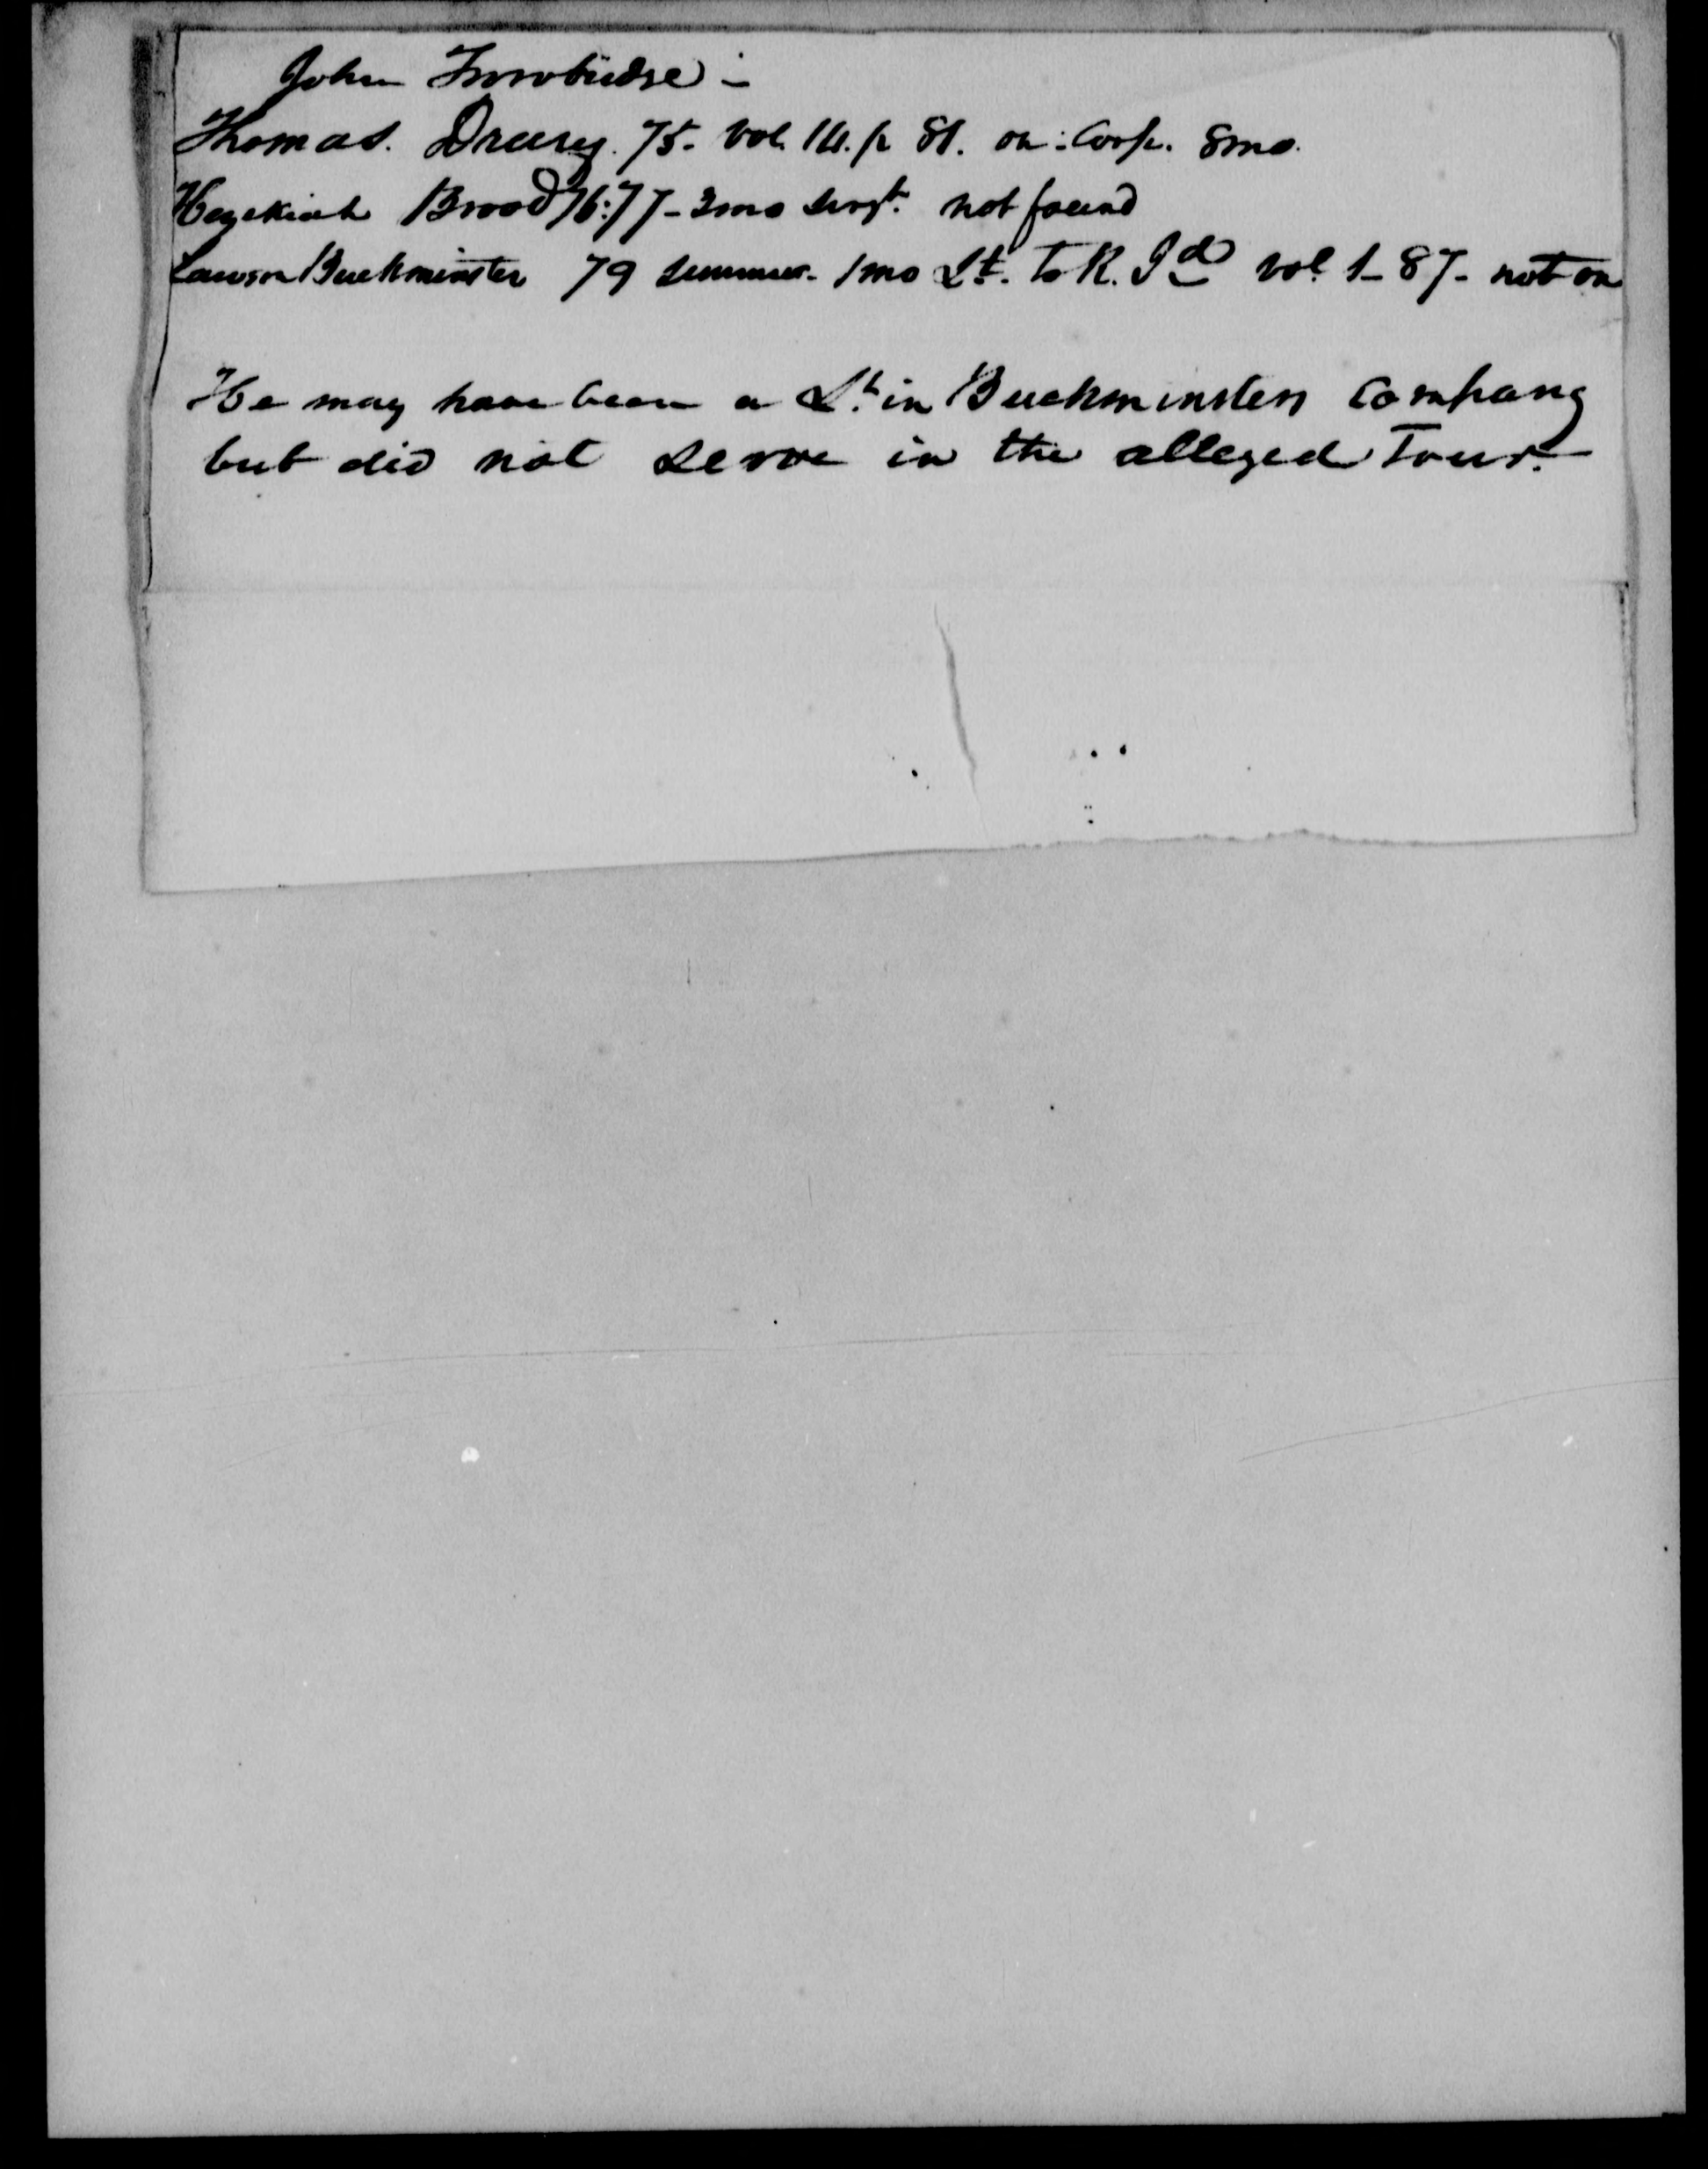John Trowbridge
Thomas Drury 75. Vol. 14. p 81. on Corp. 8mo
Hezekiah Brood 76:77 2mo Sergt not found
Lawson Buckminster 79 Lieutenant. 1 mo I.t. to RId vol 1_87 - not on
He may have been a Lt in Buckminster Company
but did not serve in the alleged tour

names: John Trowbridge, Lawson Buckminster, Hezekiah Broad, Thomas Drury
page: 15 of 34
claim: widow's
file: W. 15439, John Trowbridge, Mass.